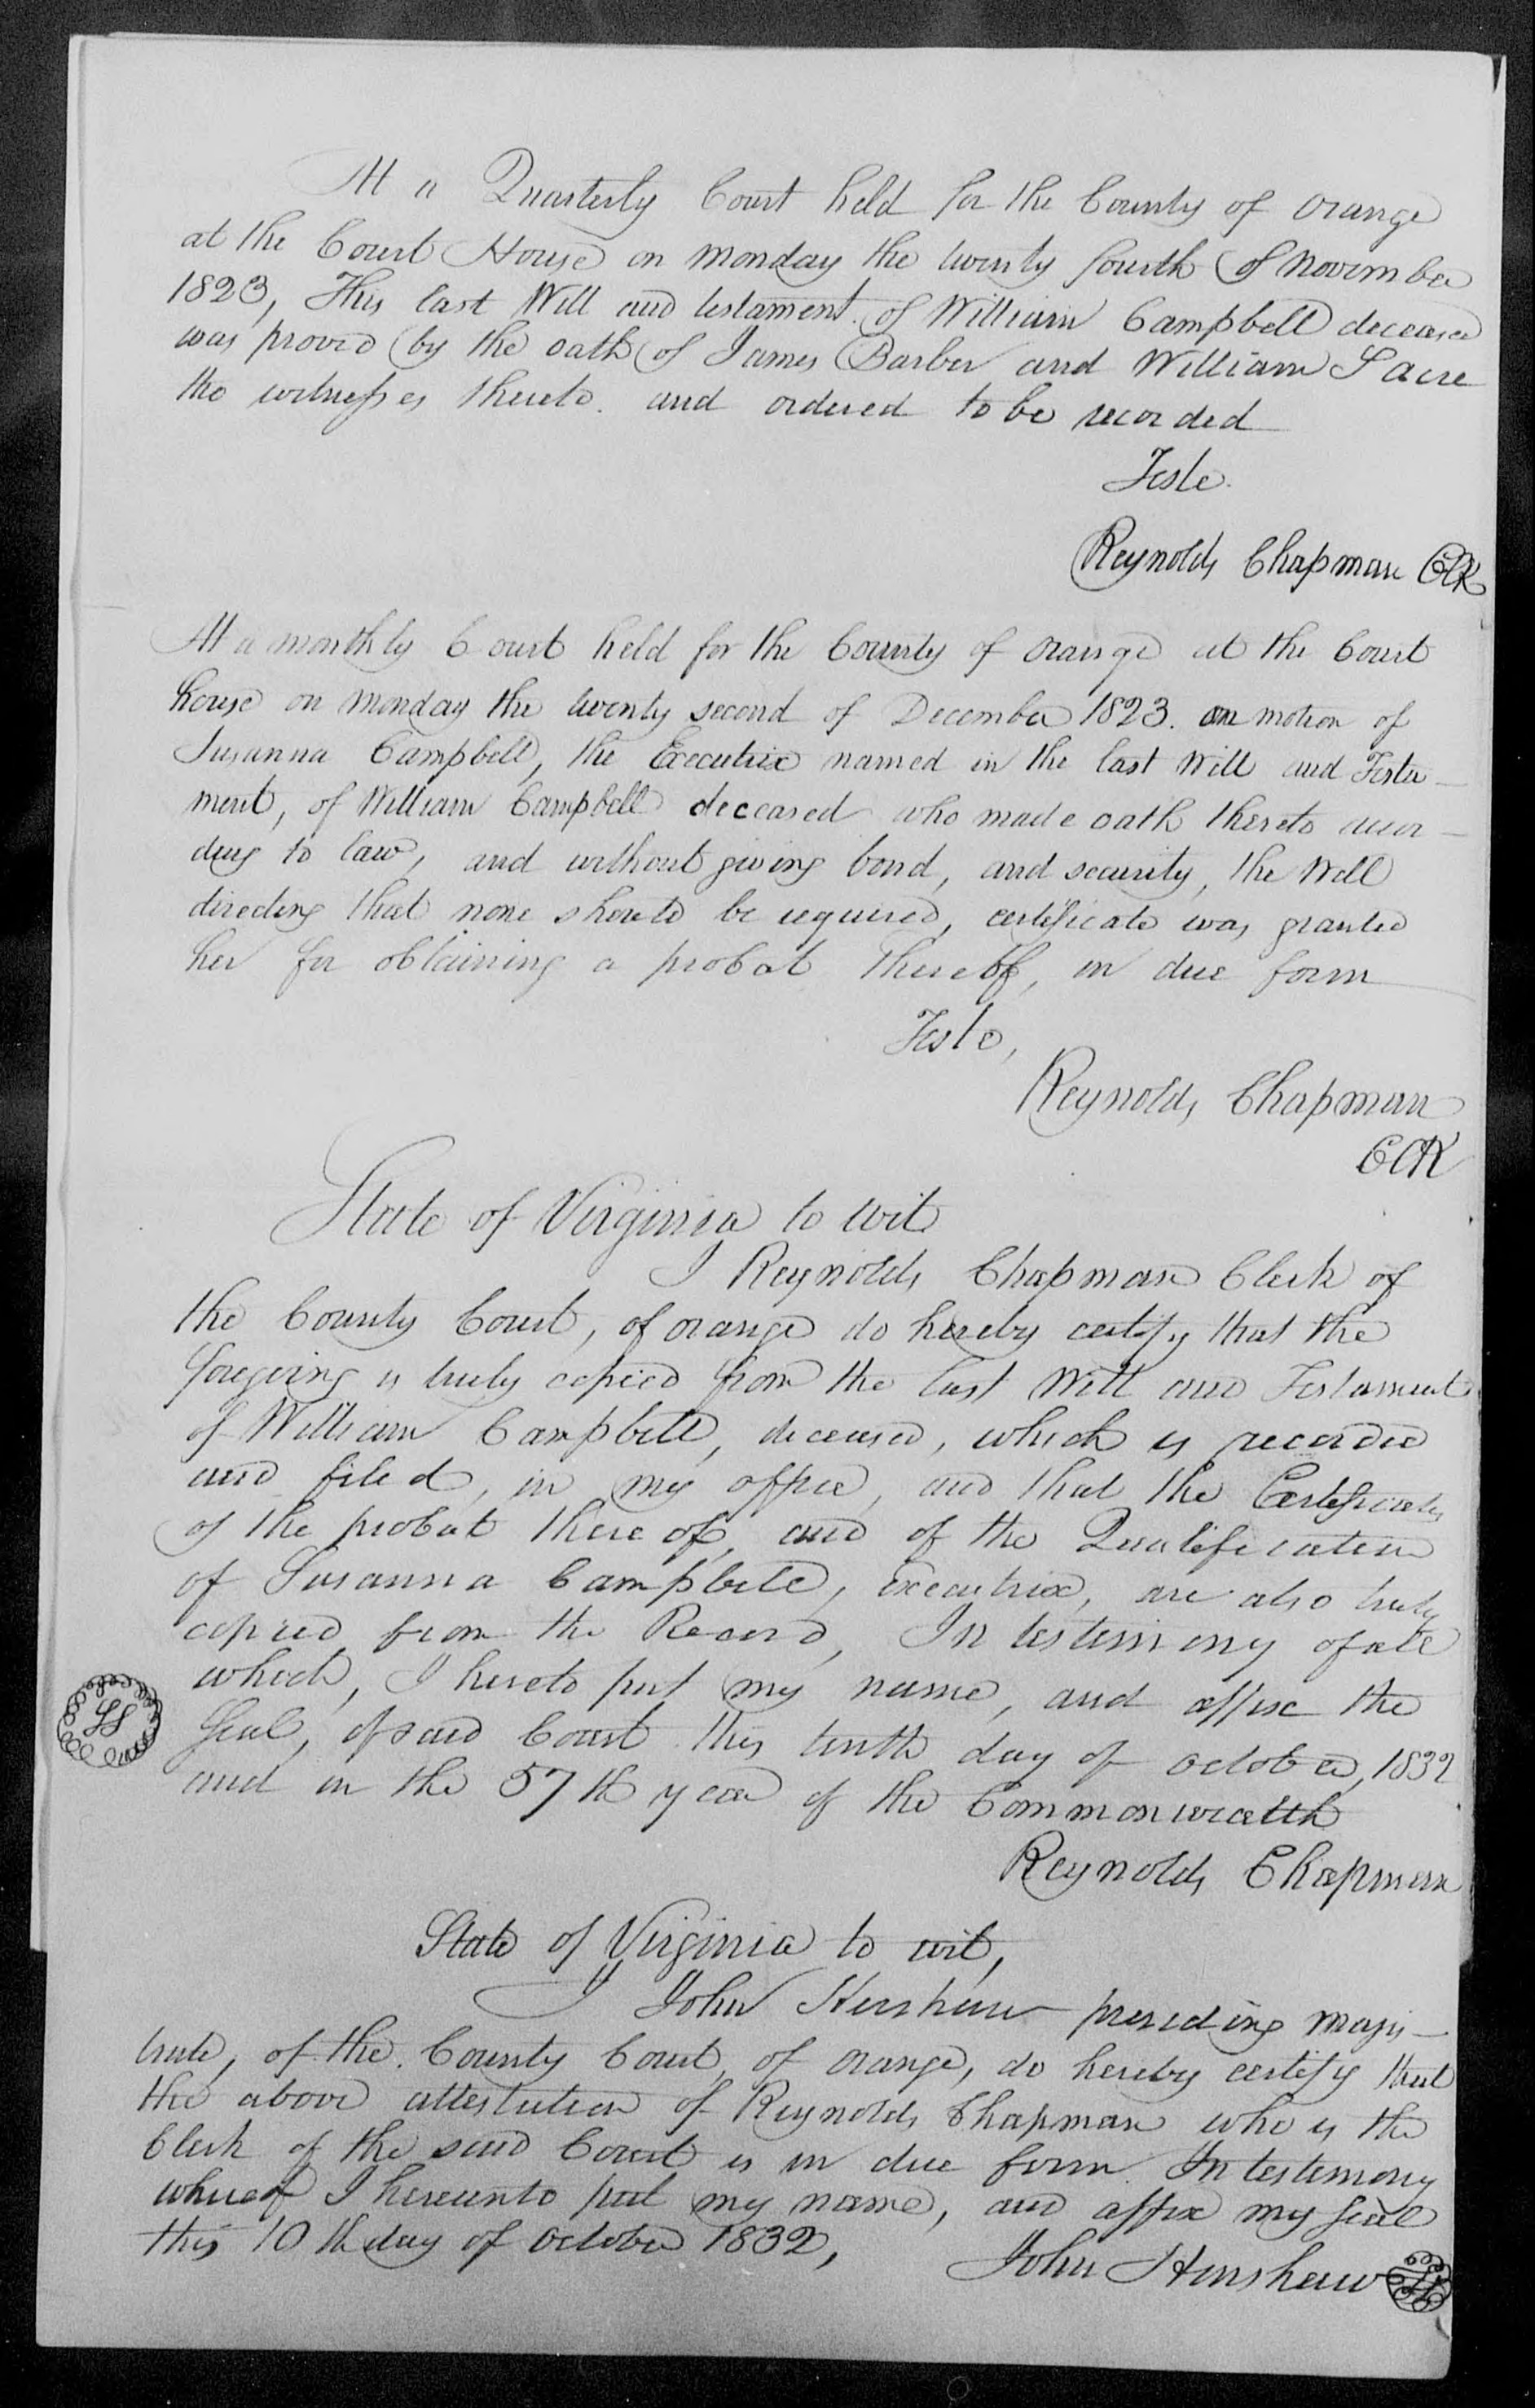At a Quarterly Court held for the County of Orange at the Court House on Monday the twenty fourth of November 1823, This last Will and testament of William Campbell deceased was proved by oath of James Barber and William S Acre the witnesses thereto and ordered to be recorded
Teste
Reynolds Chapman CLK

At a monthly Court held for the County of Orange at the Court House on Monday the  twenty second of December 1823, on motion of Susanna Campbell, the Executrix named in the last Will and Testament, of William Campbell deceased who made oath thereto according to law, and without giving bond, and security, the Will directing that none should be required, certificate was granted her for obtaining a probat thereof, in due form
Teste,
Reynolds Chapman CLK

 State of Virginia to wit
I Reynolds Chapman Clerk of the County Court, of Orange do hereby certify that the foregoing is truly copied from the last Will and Testament of William Campbell, deceased, which is recorded and filed, in my office, and that the Certificate of the probat thereof, and of the Qualification of Susanna Campbell, Executrix, are also truly copied from the Record, In testimony of all which, I hereto put my name, and affix the Seal, of said Court this tenth day of October, 1832 and in the 57th year of thew Commonwealth
Reynolds Chapman
SS [inside circle edged by inward facing loops; a seal]

State of Virginia to wit
I John Kershaw presiding magistrate, of the County Court, of Orange, do hereby certify that the above attestation of Reynolds Chapman who is the Clerk of the said Court is in due form In testimony whereof I hereunto put my name, and affix my Seal this 10th day of 1832,
John Henshaw 
SS [inside circle edged by inward facing loops; a seal]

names: Reynolds Chapman, Susanna Campbell, Reynolds Chapman, James Barber, Susanna Campbell, Reynolds Chapman, William Sacre, William Campbell, John Hershaw, Reynolds Chapman, Reynolds Chapman, William Campbell, John Henshaw, William Campbell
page: 14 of 267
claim: widow's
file: W. 4,149, William Campbell, Va.